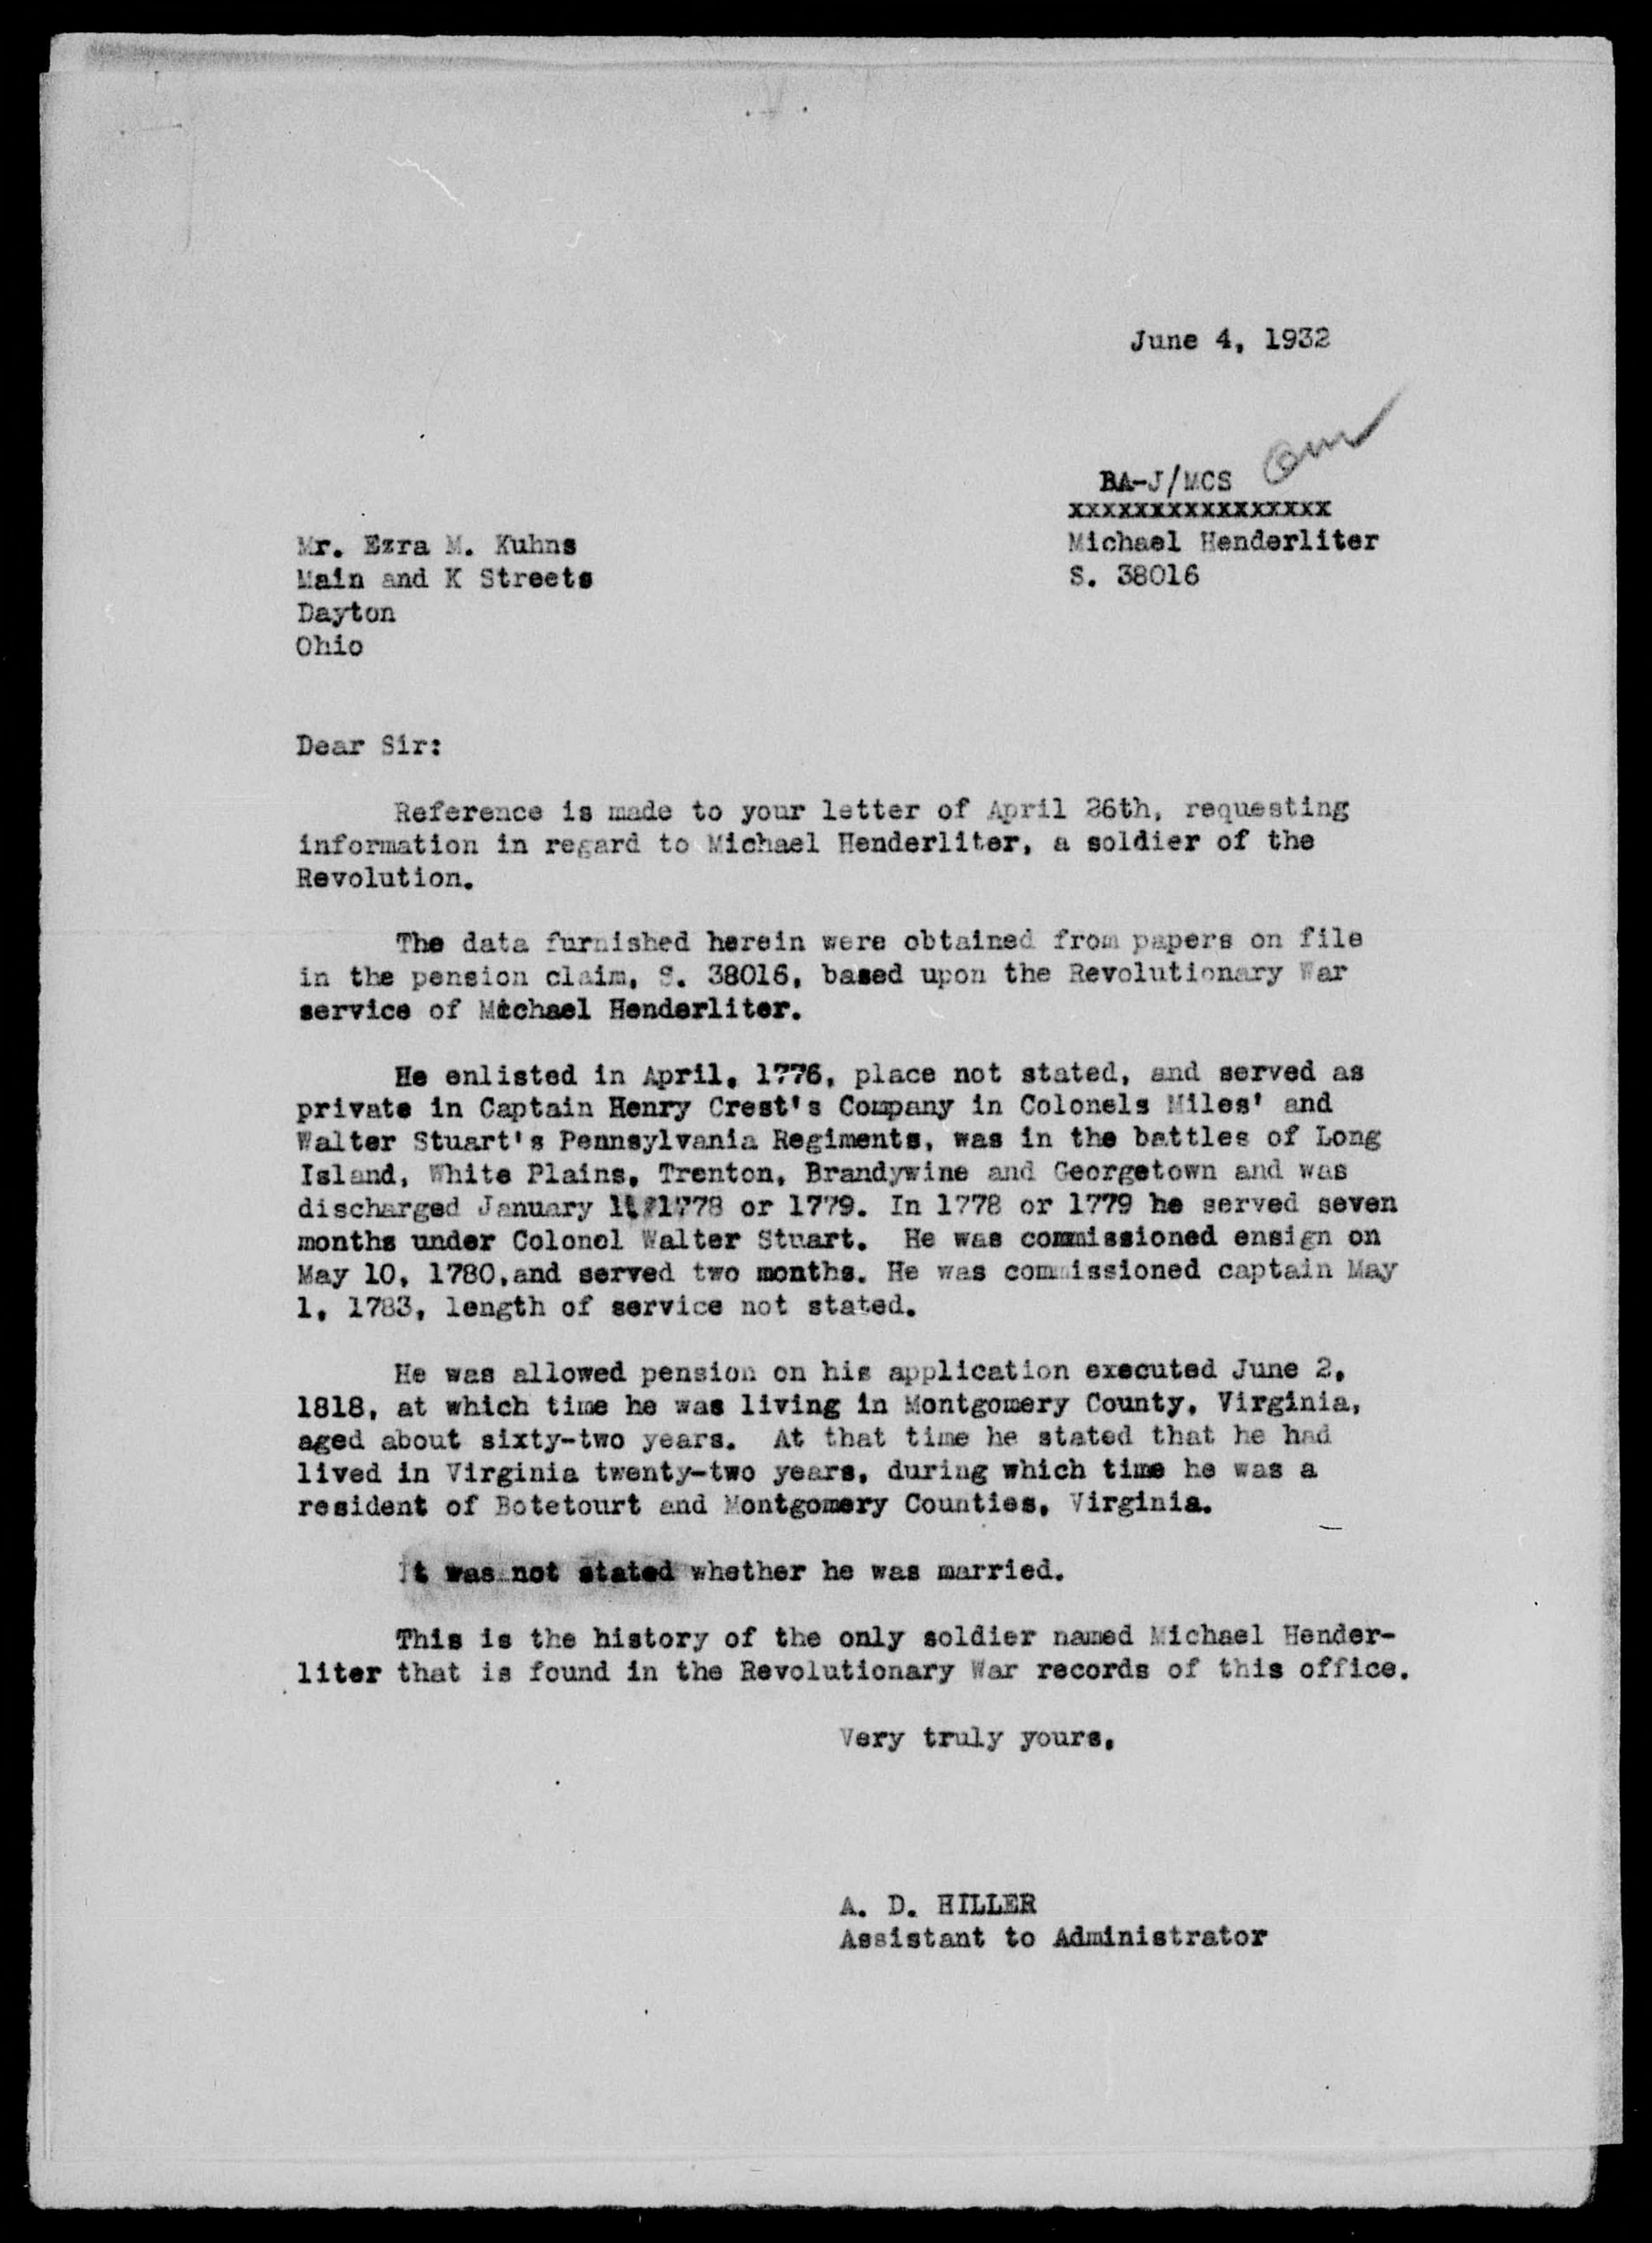June 4, 1932

BA-J/MCS GM
xxxxxxxxxxxxxx
Michael Henderliter
S. 38016

Mr. Ezra M. Kihns
Main and K Streets
Dayton
Ohio

Dear Sir:

Reference is made to your letter of April 26th, requesting information in regard to Michel Henderliter, a soldier of the Revolution.

The data furnished herein were obtained from papers on file in the pension claim, S. 38016, based upon the Revolutionary War service of Michael Henderliter.

He enlisted in April, 1776, place not stated, and served as private in Captain Henry Crest's Company in Colonel Miles' and Walter Stuart's Pennsylvania Regiments, was in the battles of Long Island, White Plains, Trenton, Brandywine and Georgetown and as discharged January 11, 1778 or 1779. In 1778 or 1779 he served seven months under Colonol Walter Stuart. He was commissioned ensign on May 10, 1780, and served two months. He was commissioned captain May 1, 1783, length of service not stated.

He was allowed pension on his application executed June 2, 1818, at which time he was living in Montgomery County, Virginia, aged about sixty-two years. At that time he stated that he had lived in Virginia twenty-two years, during which time he was a resident of Botetourt and Montgomery Counties, Virginia.

It was not stated whether he was married.

This is the history of the only soldier named Michael Henderliter that is found in the Revolutionary War records of this office.

Very truly yours,

A. D. Hiller
Assistant to Administrator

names: Michael Henderliter, Ezra M Kuhns, Michael Henderliter, Michael Henderliter, Michael Henderliter, A D Hiller, Walter Stuart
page: 7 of 15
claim: survivor's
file: S. 38016, Michael Henderliter, Penn.